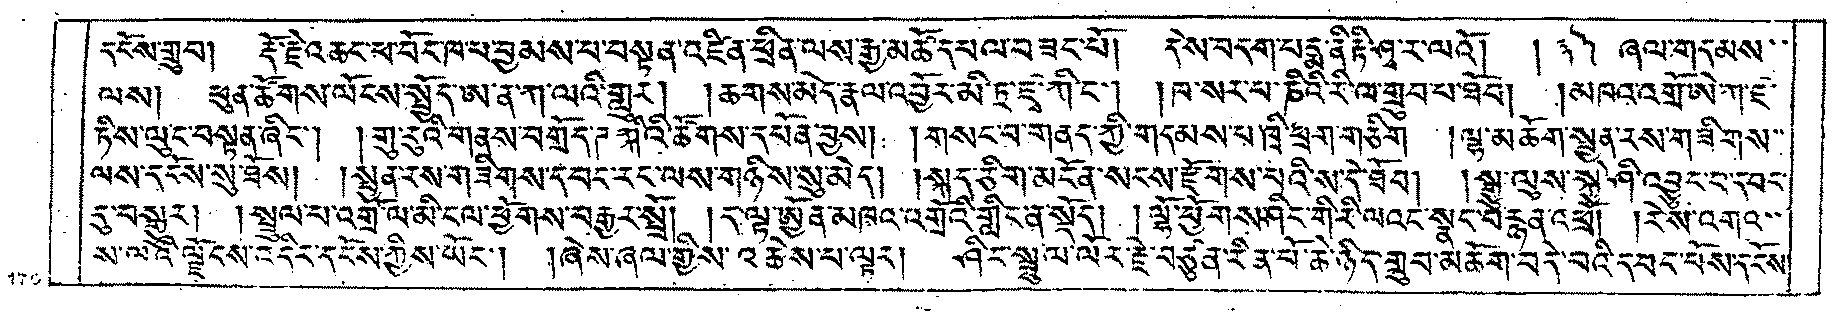དངོས་གྲུབ། རྡོ་རྗེ་འཆང་ཕ་བོང་ཁ་པ་བྱམས་པ་བསྟན་འཛིན་ཕྲིན་ལས་རྒྱ་མཚོ་དཔལ་བཟང་པོ། དེས་བདག་པདམ་ནི་རྟི་ཤྭ་ར་ལའོ། །༣?་ཞལ་གདམས་
ལས། ཕུན་ཚོགས་ལོངས་སྤྱོད་ཨ་ན་ཀ་ལའི་གླུར། །ཆགས་མེད་རྣལ་འབྱོར་མི་ཏྲ་ཛྭ་ཀི་ང་། །ཁ་སར་པ་ཎིའི་རི་ལ་གྲུབ་པ་ཐོབ། །མཁའ་འགྲོ་ཨེ་ཀ་ཛ་
ཏིས་ལུང་བསྟན་ཞིང་། །གུ་རུའི་གནས་བགྲོད་ཌཀྐིའི་ཚོགས་དཔོན་བྱས། །གསང་པ་གནད་ཀྱི་གདམས་པ་ཁྲི་ཕྲག་གཅིག །ལྷ་མཆོག་སྤྱན་རས་གཟིགས་
ལས་དངོས་སུ་ཐོས། །སྤྱན་རས་གཟིགས་དབང་རང་ལས་གཉིས་སུ་མེད། །སྐད་ཅིག་མངོན་སངས་རྫོགས་པའི་ས་དེ་ཐོབ། །སྒྱུ་ལུས་སྐྱེ་ཤི་འབྱུང་བ་དབང་
དུ་བསྒྱུར། །སྤྲུལ་པ་འགྲོ་ལ་མི་ངལ་ཕྱོགས་བརྒྱར་སྤྲོ། །ད་ལྟ་ཨཡོན་མཁའ་གྲོའི་གླིང་ན་སྡོད། །ལྷ་ཕྱོགས་ཤིང་གི་རི་ལའང་སྣང་བརྙན་འཕྲོ། །རེས་འགའ་
ས་ལའི་ལྗོངས་འདིར་དངོས་ཀྱིས་ཡོངས། །ཞེས་ཞལ་གྱིས་འཆེས་པ་ལྟར། ཤིང་སྦྲུལ་ལོར་རྗེ་བཙུན་རིན་པོ་ཆེ་ཉིད་གྲུབ་མཆོག་བདེ་བའི་དབང་པོས་དངོས་